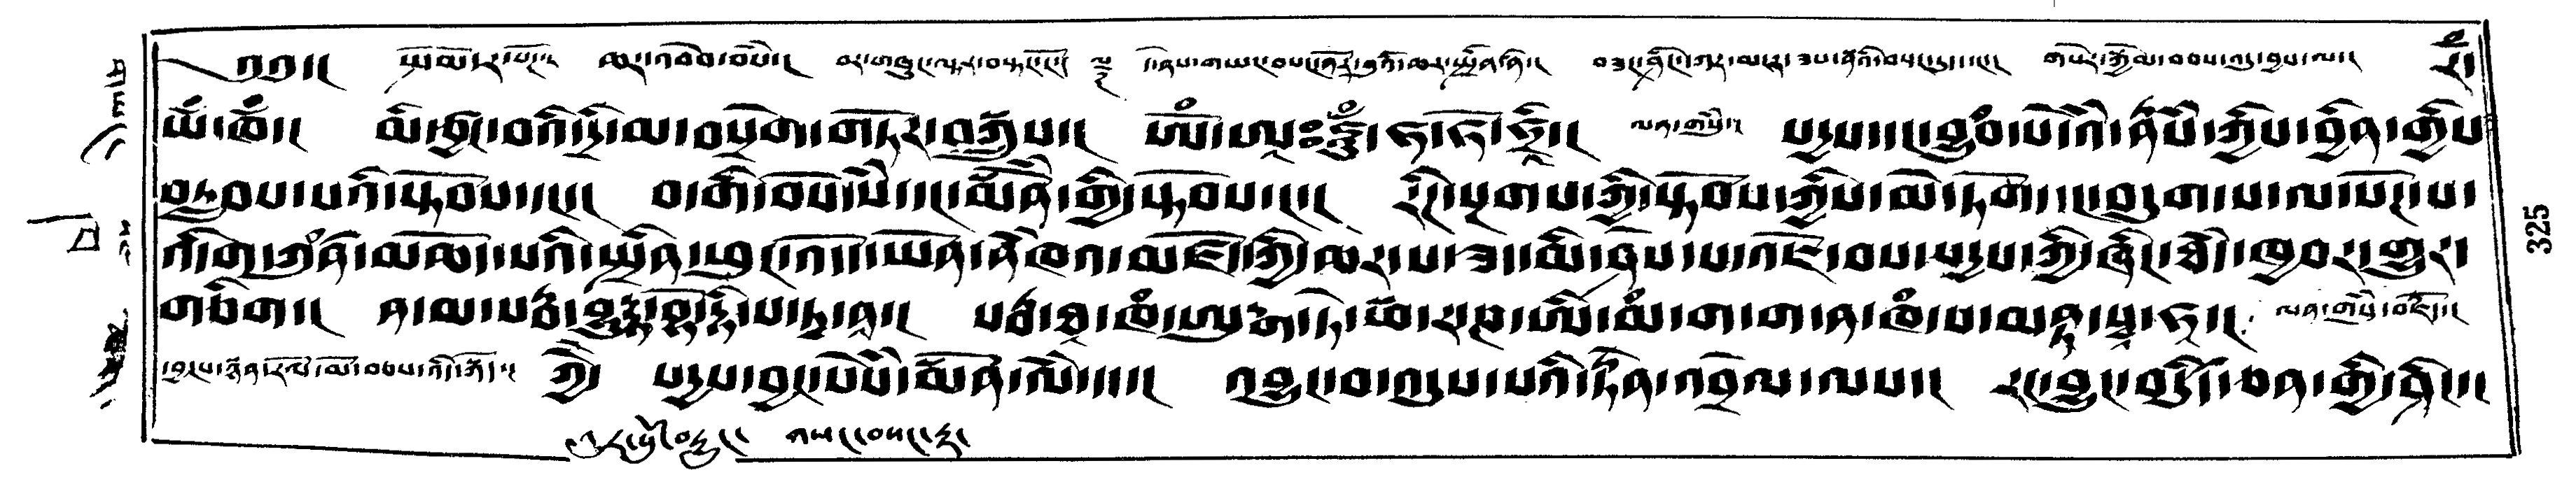སྤོམ་ར་སོགས། །ཆར་འབེབས་བསམ། བར་གཞུང་ལྟར་གཏང་ངོ་།། ༈ དེ་ནས་གཡང་བསང་ནོར་བུའི་ཆར་སྤྲིན་ནི། བཟང་ཤིང་དཀར་མངར་ཟས་སྣའི་བསང་དུད་དང་། གསེར་སྐྱེམས་བཅས་འདུ་བྱས་ལ། རྃ་
ཡྃ་ཁྃ། མི་གཙང་བའི་དྲི་མ་སྲེག་གཏོར་བསྐྲུས། ཨོཾ་ཨཱཿཧཱུྃ་ཧ་ཧོ་ཧྲཱི། ལན་གསུམ། སངས་རྒྱས་དང་བྱང་ཆུབ་སེམས་དཔའ་རྣམས་ཀྱིས་བྱིན་གྱིས་
བརླབས་པའི་སྟོབས་དང་། བདག་གིས་བསོད་ནམས་དང་སྨོན་ལམ་གྱི་སྟོབས་དང་། རིགས་སྔགས་ཀྱི་སྟོབས་ཀྱིས་མེ་ཏོག་དང་བདུག་པ་ལ་སོགས་པ་
འདི་དག་ཀུན་བཟང་མཆོད་པའི་སྤྲིན་ཕུང་འདོད་ཡོན་ནམ་མཁའ་མཛོད་ཀྱི་ཆར་པ་ཟད་མི་ཤེས་པ་འཇོ་བས་སངས་རྒྱས་ཀྱི་ཞིང་ཐམས་ཅད་ཁྱབ་པར་གྱུར་
གཅིག ན་མ་སརྦ་བྷུདྡྷ་བྷོ་དྷི་ས་ཏྭ་ནཱ། སརྦ་ཐཱཏ་ཁཾ་ཨུཏྒ་ཏེ་སྥ་ར་ཎ་ཨི་མཾ་ག་ག་ན་ཁཾ་ས་མནྟ་སྭ་ཧཱ། ལན་གསུམ་བརྗོད། 
དབྱངས་སྙན་རོལ་མོ་བཅས་འདི་སྐད་དུ། ཀྱཻ། སངས་རྒྱས་བྱང་སེམས་སྨོན་ལམ་དང་། །འབྱུང་བ་འདུས་པའི་རྟེན་འབྲེལ་ལས། །རང་བྱུང་བདུད་རྩི་ཅན་གྱི་ཤིང་།